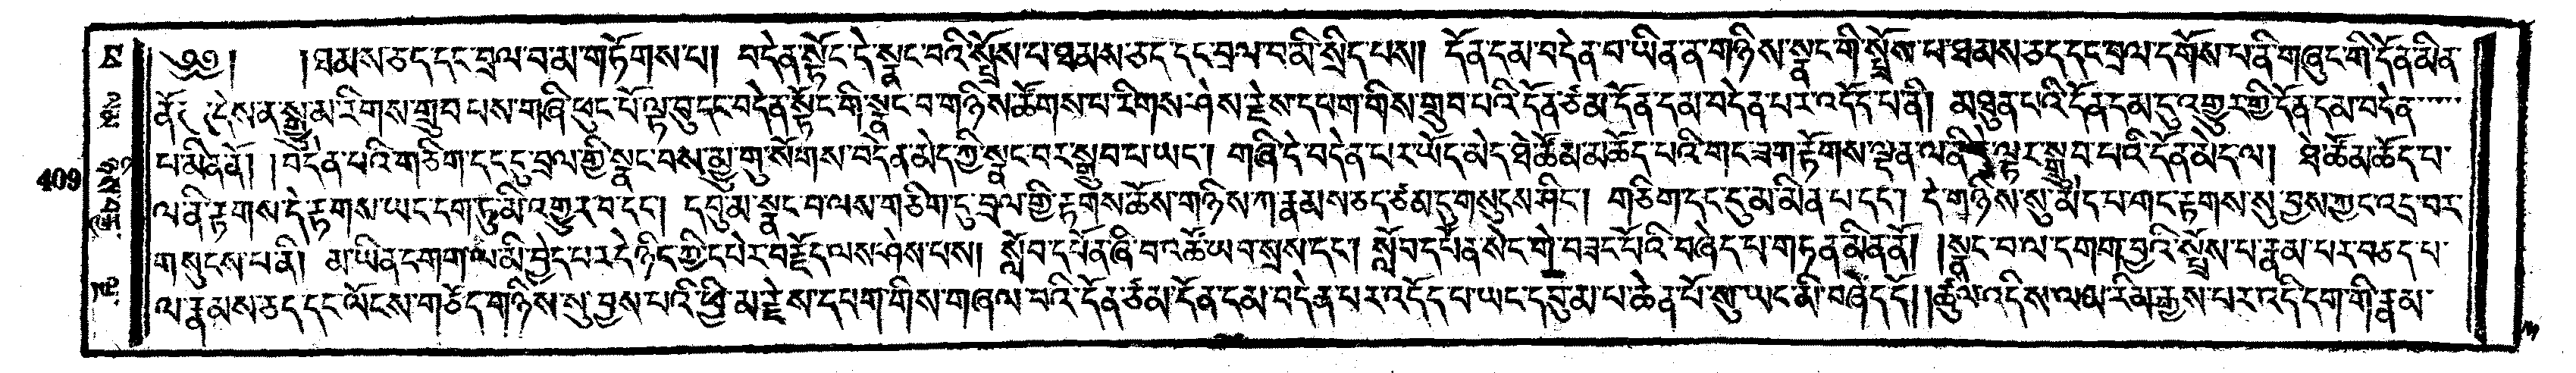༄༅། །ཐམས་ཅད་དང་བྲལ་བ་མ་གཏོགས་པ། བདེན་སྟོང་དེ་སྣང་བའི་སྤྲོས་པ་ཐམས་ཅད་དང་བྲལ་བ་མི་སྲིད་པས། དོན་དམ་བདེན་པ་ཡིན་ན་གཉིས་སྣང་གི་སྤྲོས་པ་ཐམས་ཅད་དང་བྲལ་དགོས་པ་ནི་གཞུང་གི་དོན་མིན་
ནོ༑ ༑དེས་ན་སྒྱུ་མ་རིགས་གྲུབ་པས་གཞི་ཕུང་པོ་ལྟ་བུ་དང་བདེན་སྟོང་གི་སྣང་བ་གཉིས་ཚོགས་པ་རིགས་ཤེས་རྗེས་བྤག་གིས་གྲུབ་པའི་དོན་ཙམ་དོན་དམ་བདེན་པར་འདོད་པ་ནི། མཐུན་པའི་དོན་དམ་དུ་འགྱུར་གྱི་དོན་དམ་བདེན་
པ་མིན་ནོ། །བདེན་པའི་གཅིག་དང་དུ་བྲལ་གྱི་སྣང་བས་མྱུ་གུ་སོགས་བདེན་མེད་ཀྱི་སྣང་བར་སྒྲུབ་པ་ཡང་། གཞི་དེ་བདེན་པར་ཡོད་མེད་ཐེ་ཚོམ་མཆོད་པའི་གང་ཟག་རྟོགས་ལྡན་ལ་ནི་དེ་ལྟར་སྒྲུབ་པའི་དོན་མེད་ལ། ཐེ་ཚོམ་ཆོད་པ་
ལ་ནི་རྟགས་དེ་རྟགས་ཡང་དག་ཏུ་མི་འགྱུར་བ་དང་། དབུ་མ་སྣང་བ་ལས་གཅིག་དུ་བྲལ་གྱི་རྟགས་ཆོས་གཉིས་ཀ་རྣམས་ཅད་ཙམ་དུ་གསུངས་ཤིང་། གཅིག་དང་དུ་མ་མིན་པ་དང་། དེ་གཉིས་སུ་མེད་པ་གང་རྟགས་སུ་བྱས་ཀྱང་འདྲ་བར་
གསུངས་པ་ནི། མ་ཡིན་དགག་ལ་མི་བྱེད་པར་དེ་ཉིད་ཀྱི་དཔེར་བརྗོད་ལས་ཤེས་པས། སློབ་དཔོན་ཞི་བ་འཚོ་ཡབ་སྲས་དང་། སློབ་དཔོན་སེང་གེ་བཟང་པོའི་བཞེད་པ་གཏན་མིན་ནོ། །སྣང་བ་ལ་དགག་བྱའི་སྤྲོས་པ་རྣམ་པར་བཅད་པ་
ལ་རྣམས་ཅད་དང་ལོངས་གཅོད་གཉིས་སུ་བྱས་པའི་ཕྱི་མ་རྗེས་དཔག་གིས་གཞལ་བའི་དོན་ཙམ་དོན་དམ་བདེན་པར་འདོད་པ་ཡང་དབུ་མ་པ་ཆེན་པོ་སུ་ཡང་མི་བཞེད་དོ། །ཚུལ་འདིས་ལམ་རིམ་རྒྱས་པར་འདི་དག་གི་རྣམ་